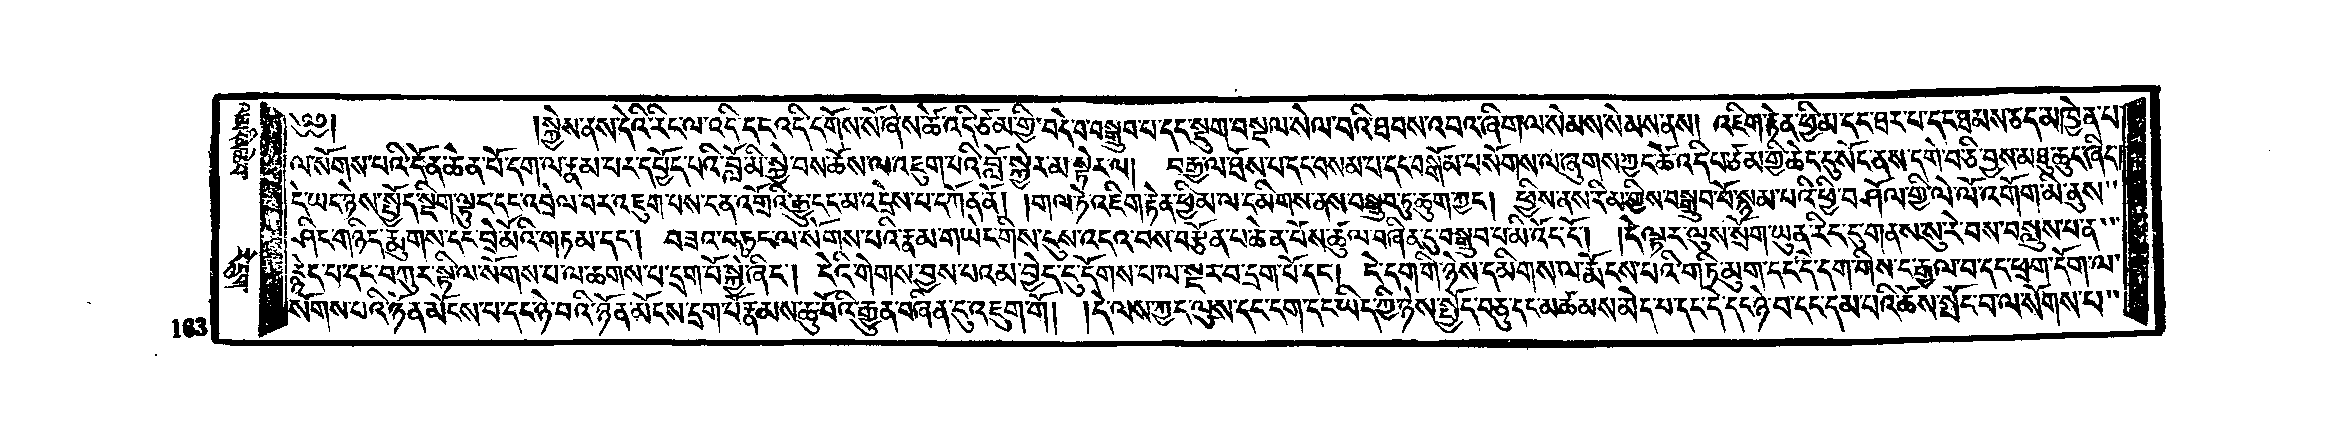སྐྱེས་ནས་དེའི་རིང་ལ་འདི་དང་འདི་དགོས་སོ་ཞེས་ཚེ་འདི་ཙམ་གྱི་བདེ་བ་བསྒྲུབ་པ་དང་སྡུག་བསྔལ་སེལ་བའི་ཐབས་འབའ་ཞིག་ལ་སེམས་སེམས་ནས། འཇིག་རྟེན་ཕྱི་མ་དང་ཐར་པ་དང་ཐམས་ཅད་མཁྱེན་པ་ལ་སོགས་པའི་དོན་ཆེན་པོ་དག་ལ་རྣམ་པར་དཔྱོད་པའི་བློ་མི་སྐྱེ་བས་ཆོས་ལ་འཇུག་པའི་བློ་སྐྱེར་མ་སྟེར་ལ། བརྒྱ་ལ་ཐོས་པ་དང་བསམ་པ་དང་བསྒོམ་པ་སོགས་ལ་ཞུགས་ཀྱང་ཚེ་འདི་པ་ཙམ་གྱི་ཆེད་དུ་སོང་ནས་དགེ་བ་ཅི་བྱས་མཐུ་ཆུང་ཞིང་། དེ་ཡང་ཉེས་སྤྱོད་སྡིག་ལྟུང་དང་འབྲེལ་བར་འཇུག་པས་ངན་འགྲོའི་རྒྱུ་དང་མ་འདྲེས་པ་དཀོན་ནོ། །གལ་ཏེ་འཇིག་རྟེན་ཕྱི་མ་ལ་དམིགས་ནས་བསྒྲུབ་ཏུ་ཆུག་ཀྱང་། ཕྱིས་ནས་རིམ་གྱིས་བསྒྲུབ་བོ་སྙམ་པའི་ཕྱི་བཤོལ་གྱི་ལེ་ལོ་འགོག་མི་ནུས་ཤིང་གཉིད་རྨུགས་དང་བྲེ་མོའི་གཏམ་དང་། བཟའ་བཏུང་ལ་སོགས་པའི་རྣམ་གཡེང་གིས་དུས་འདའ་བས་བརྩོན་པ་ཆེན་པོས་ཚུལ་བཞིན་དུ་བསྒྲུབ་པ་མི་འོང་ངོ། །དེ་ལྟར་ལུས་སྲོག་ཡུན་རིང་དུ་གནས་སུ་རེ་བས་བསླུས་པ་ན་རྙེད་པ་དང་བཀུར་སྟི་ལ་སོགས་པ་ལ་ཆགས་པ་དྲག་པོ་སྐྱེ་ཞིང་། དེའི་གེགས་བྱས་པའམ་བྱེད་དུ་དོགས་པ་ལ་སྡང་བ་དྲག་པོ་དང་། དེ་དག་གི་ཉེས་དམིགས་ལ་རྨོངས་པའི་གཏི་མུག་དང་དེ་དག་གིས་ང་རྒྱལ་བ་དང་ཕྲག་དོག་ལ་སོགས་པའི་ཉོན་མོངས་པ་དང་ཉེ་བའི་ཉོན་མོངས་དྲག་པོ་རྣམས་ཆུ་བོའི་རྒྱུན་བཞིན་དུ་འཇུག་གོ། །དེ་ལས་ཀྱང་ལུས་དང་ངག་དང་ཡིད་ཀྱི་ཉེས་སྤྱོད་བཅུ་དང་མཚམས་མེད་པ་དང་དེ་དང་ཉེ་བ་དང་དམ་པའི་ཆོས་སྤོང་བ་ལ་སོགས་པ་